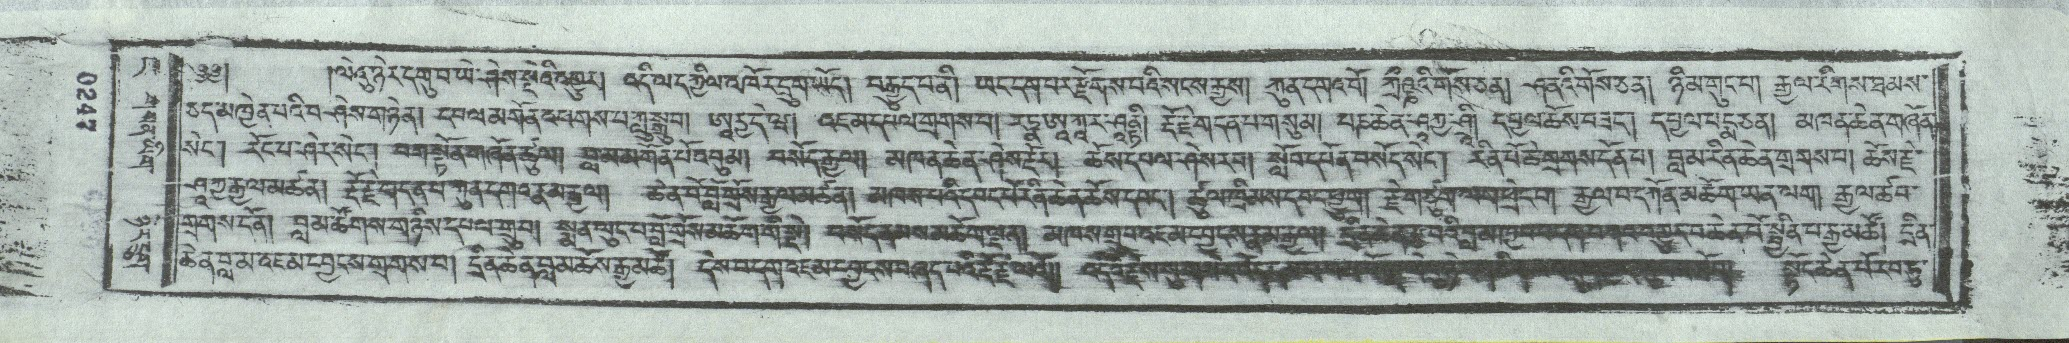༄༅། །ལེའུ་ཉེར་དགུ་བ་ཡེ་ཤེས་སྡེའི་འགྱུར། འདི་ལ་དཀྱིལ་འཁོར་དྲུག་ཡོད། བརྒྱུད་པ་ནི། ཡང་དག་པར་རྫོགས་པའི་སངས་རྒྱས། ཀུན་དགའ་བོ། ཀྲྀ་ཥྞའི་གོས་ཅན། ཤ་ནའི་གོས་ཅན། ཉི་མ་གུང་པ། རྒྱལ་རིགས་ཐམས་
ཅད་མཁྱེན་པའི་བཤེས་གཉེན། དཔལ་ལ་མགོན་འཕགས་པ་ཀླུ་སྒྲུབ། ཨཱ་རྱ་དེ་ཝ། འཇམ་དཔལ་གྲགས་བ། རཏྣ་ཨཱ་ཀཱར་ཤཱནྟི། རྡོ་རྗེ་གདན་པ་གསུམ། པཎ་ཆེན་ཤཱཀྱ་ཤྲཱི། དཔྱལ་ཆོས་བཟང་། དཔྱལ་པདམ་ཅན། མཁན་ཆེན་གཞོན་
སེང་། རོང་པ་ཤེར་སོང་། བག་སྟོན་གཞོན་ཚུལ། བླ་མ་མགོན་པོ་འབུམ། བསོད་རྒྱལ། མཁན་ཆེན་ཤེས་རྡོར། ཆོས་དཔལ་ཤེས་རབ། སློབ་དཔོན་བསོད་སེང་། རིན་པོ་ཆེ་གྲགས་དོན་པ། བླ་མ་རིན་ཆེན་གྲགས་པ། ཆོས་རྗེ་
ཤཱཀྱ་རྒྱལ་མཚན། རྡོ་རྗེ་གདན་པ་ཀུན་དགའ་རྣམ་རྒྱལ། ཆེན་པོ་བློ་གྲོས་རྒྱལ་མཚན། མཁས་པའི་དབང་པོ་རིན་ཆེན་ཆོས་དབང་། ཚུལ་ཁྲིམས་དབང་ཕྱུག། རྗེ་གཙུག་ལག་ཕྲེང་བ། རྒྱལ་བ་དཀོན་མཆོག་ཡན་ལག། རྒྱལ་ཚབ་
གྲགས་དོན། བླ་མ་ཆོགས་གཉིས་དཔལ་གྲུབ། སྨན་ལུང་པ་བློ་གྲོས་མཆོག་གི་སྡེ། བསོད་ནམས་མཆོག་ལྡན། མཁས་གྲུབ་འཇམ་དབྱངས་རྣམ་རྒྱལ། དྲིན་ཆེན་རྩ་བའི་བླ་མ་ཁྱབ་པ་དག་བཀའ་འགྱུར་བ་ཆེན་པོ་སྦྱིན་པ་རྒྱ་མཚོ། དྲིན་
ཆེན་བླ་མ་འཇམ་དབྱངས་གྲགས་བ། དྲིན་ཆེན་བླ་མ་ཆོས་རྒྱ་མཚོ། དེས་བདག་འཇམ་དབྱངས་བཞད་པའི་རྡོ་རྗེ་ལའོ།། འདིའི་རྗེས་སུ་གསེར་འོད་དམ་པ་བམ་པོ་ལྔ་ལེའུ་ཉེར་གཅིག་པ་འདུག་ཀྱང་ལུང་མ་ཐོབ། སྟོང་ཆེན་པོ་རབ་པ་